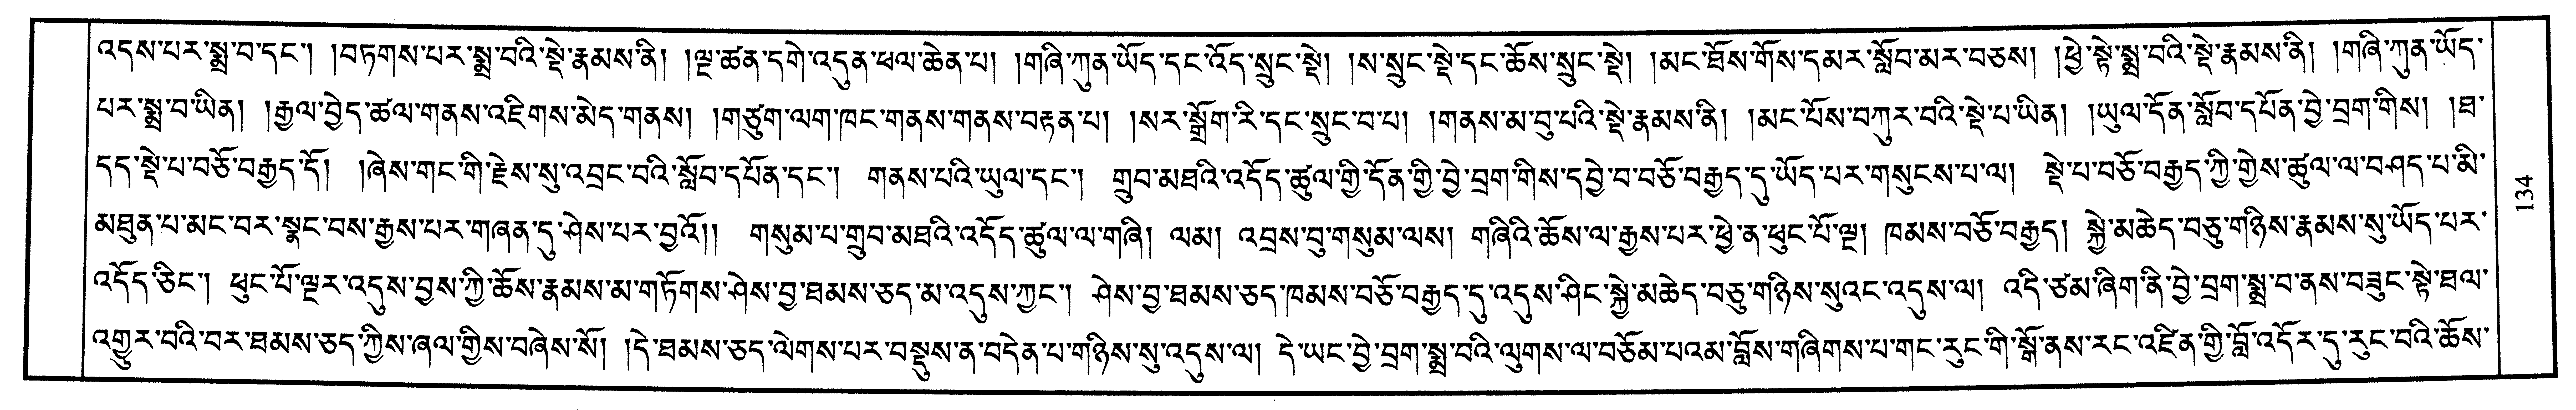འདས་པར་སྨྲ་བ་དང་། །བཏགས་པར་སྨྲ་བའི་སྡེ་རྣམས་ནི། །ལྔ་ཚན་དགེ་འདུན་ཕལ་ཆེན་པ། །གཞི་ཀུན་ཡོད་དང་འོད་སྲུང་སྡེ། །ས་སྲུང་སྡེ་དང་ཆོས་སྲུང་སྡེ། །མང་ཐོས་གོས་དམར་སློབ་མར་བཅས། །ཕྱེ་སྟེ་སྨྲ་བའི་སྡེ་རྣམས་ནི། །གཞི་ཀུན་ཡོད་
པར་སྨྲ་བ་ཡིན། །རྒྱལ་བྱེད་ཚལ་གནས་འཇིགས་མེད་གནས། །གཙུག་ལག་ཁང་གནས་གནས་བརྟན་པ། །སར་སྒྲོག་རི་དང་སྲུང་བ་ལ། །གནས་མ་བུ་པའི་སྡེ་རྣམས་ནི། །མང་པོས་བཀུར་བའི་སྡེ་པ་ཡིན། །ཡུལ་དོན་སློབ་དཔོན་བྱེ་བྲག་གིས། །ཐ་
དད་སྡེ་པ་བཅོ་བརྒྱད་དོ། །ཞེས་གང་གི་རྗེས་སུ་འབྲང་བའི་སློབ་དཔོན་དང་། གནས་པའི་ཡུལ་དང་། གྲུབ་མཐའི་འདོད་ཚུལ་གྱི་དོན་གྱི་བྱེ་བྲག་གིས་དབྱེ་བ་བཅོ་བརྒྱད་དུ་ཡོད་པར་གསུངས་པ་ལ། སྡེ་པ་བཅོ་བརྒྱད་ཀྱི་གྱེས་ཚུལ་ལ་བཤད་པ་མི་
མཐུན་པ་མང་བར་སྣང་བས་རྒྱས་པར་གཞན་དུ་ཤེས་པར་བྱའོ།། གསུམ་པ་གྲུབ་མཐའི་འདོད་ཚུལ་ལ་གཞི། ལམ། འབྲས་བུ་གསུམ་ལས། གཞིའི་ཆོས་ལ་རྒྱས་པར་ཕྱེ་ན་ཕུང་པོ་ལྔ། ཁམས་བཅོ་བརྒྱད། སྐྱེ་མཆེད་བཅུ་གཉིས་རྣམས་སུ་ཡོད་པར་
འདོད་ཅིང་། ཕུང་པོ་ལྔར་འདུས་བྱས་ཀྱི་ཆོས་རྣམས་མ་གཏོགས་ཤེས་བྱ་ཐམས་ཅད་མ་འདུས་ཀྱང་། ཤེས་བྱ་ཐམས་ཅད་ཁམས་བཅོ་བརྒྱད་དུ་འདུས་ཤིང་སྐྱེ་མཆེད་བཅུ་གཉིས་སུའང་འདུས་ལ། འདི་ཙམ་ཞིག་ནི་བྱེ་བྲག་སྨྲ་བ་ནས་བཟུང་སྟེ་ཐལ་
འགྱུར་བའི་བར་ཐམས་ཅད་ཀྱིས་ཞལ་གྱིས་བཞེས་སོ། །དེ་ཐམས་ཅད་ལེགས་པར་བསྡུས་ན་བདེན་པ་གཉིས་སུ་འདུས་ལ། དེ་ཡང་བྱེ་བྲག་སྨྲ་བའི་ལུགས་ལ་བཅོམ་པའམ་བློས་གཞིགས་པ་གང་རུང་གི་སྒོ་ནས་རང་འཛིན་གྱི་བློ་འདོར་དུ་རུང་བའི་ཆོས་